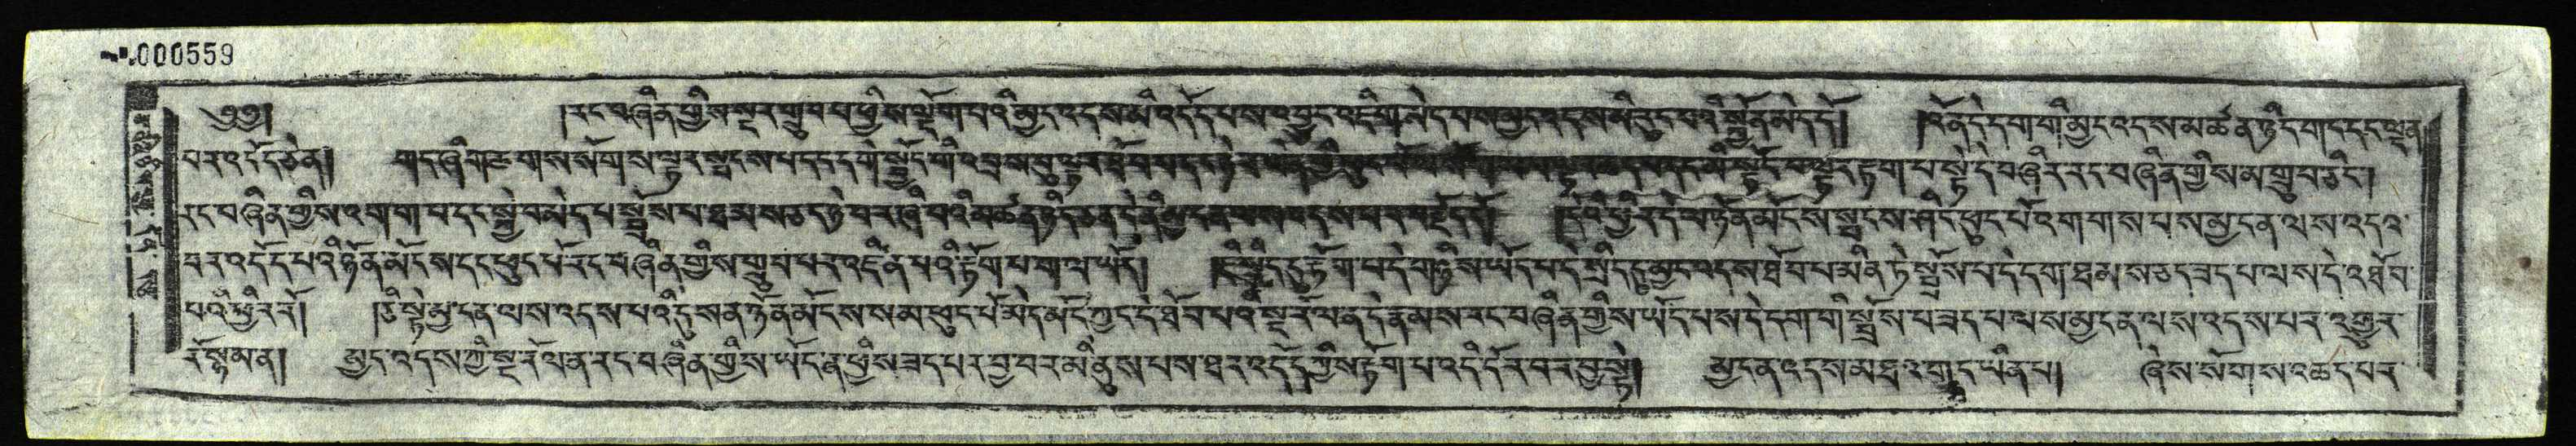༄༅། །རང་བཞིན་གྱིས་སྔར་གྲུབ་པ་ཕྱིས་ལྡོག་པའི་མྱང་འདས་མི་འདོད་པས་འབྱུང་འཇིག་མེད་པས་མྱང་འདས་མི་རུང་བའི་སྐྱོན་མེད་དོ། །འོ་ན་དེ་དག་གི་མྱང་འདས་མཚན་ཉིད་གང་དང་ལྡན་
བར་འདོད་ཅེ་ན། གང་ཞིག་ཆགས་སོགས་ལྟར་སྤངས་པ་དང་དགེ་སྦྱོང་གི་འབྲས་བུ་ལྟར་ཐོབ་པ་དང་ཉེར་ལེན་གྱི་ཕུང་པོ་ལ་སོགས་པ་ལྟར་ཆད་པ་དང་མི་སྟོང་པ་ལྟར་རྟག་པ་སྟེ་དེ་བཞིར་རང་བཞིན་གྱིས་མ་གྲུབ་ཅིང་།
རང་བཞིན་གྱིས་འགག་པ་དང་སྐྱེ་བ་མེད་པ་སྤྲོས་པ་ཐམས་ཅད་ཉེ་བར་ཞི་བའི་མཚན་ཉིད་ཅན་དེ་ནི་མྱ་ངན་ལས་འདས་པར་བརྗོད་དོ། །དེའི་ཕྱིར་དེ་ལ་ཉོན་མོངས་སྤངས་ཤིང་ཕུང་པོ་འགགས་པས་མྱ་ངན་ལས་འདའ་
བར་འདོད་པའི་ཉོན་མོངས་དང་ཕུང་པོ་རང་བཞིན་གྱིས་གྲུབ་པར་འཛིན་པའི་རྟོག་པ་ག་ལ་ཡོད། །ཇི་སྲིད་དུ་རྟོག་པ་དེ་གཉིས་ཡོད་པ་དེ་སྲིད་དུ་མྱང་འདས་ཐོབ་པ་མིན་ཏེ་སྤྲོས་པ་དེ་དག་ཐམས་ཅད་ཟད་པ་ལས་དེ་འཐོབ་
པའི་ཕྱིར་རོ། །ཅི་སྟེ་མྱ་ངན་ལས་འདས་པའི་དུས་ན་ཉོན་མོངས་སམ་ཕུང་པོ་མེད་མོད་ཀྱང་དེ་ཐོབ་པའི་སྔ་རོལ་ན་དེ་རྣམས་རང་བཞིན་གྱིས་ཡོད་པས་དེ་དག་གི་སྤྲོས་བ་ཟད་པ་ལས་མྱ་ངན་ལས་འདས་པར་འགྱུར་
རོ་སྙམ་ན། མྱང་འདས་ཀྱི་སྔ་རོལ་ན་རང་བཞིན་གྱིས་ཡོད་ན་ཕྱིས་ཟད་པར་བྱ་བར་མི་ནུས་པས་ཐར་འདོད་ཀྱིས་རྟོག་པ་འདི་དོར་བར་བྱ་སྟེ། མྱ་ངན་འདས་མཐའ་གང་ཡིན་པ། ཞེས་སོགས་འཆད་པར་